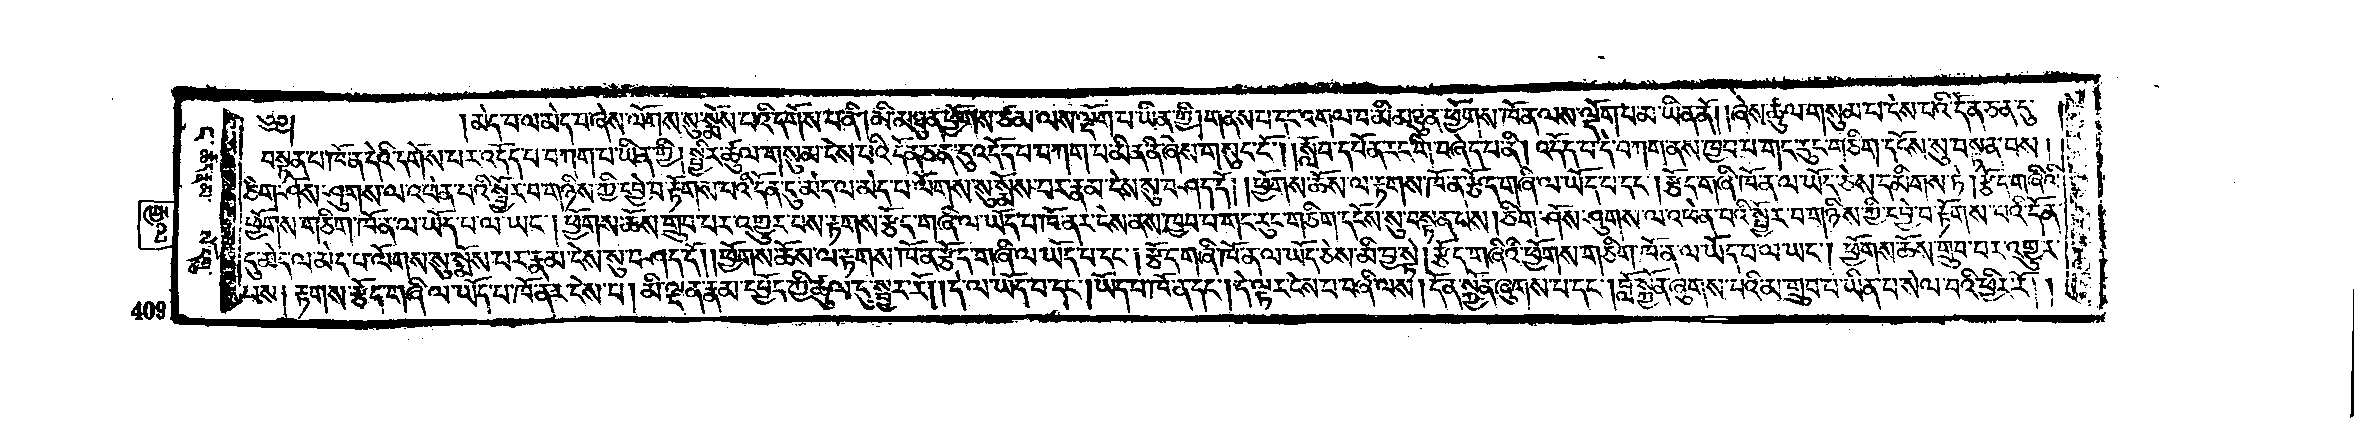༄༅། །མེད་པ་ལ་མེད་པ་ཞེས་ལོགས་སུ་སྨོས་པའི་དགོས་པ་ནི། མི་མཐུན་ཕྱོགས་ཙམ་ལས་ལྡོག་པ་ཡིན་གྱི། གནས་པ་དང་འགལ་བ་མི་མཐུན་ཕྱོགས་ཁོ་ན་ལས་ལྡོག་པ་མ་ཡིན་ནོ། །ཞེས་ཚུལ་གསུམ་པ་ངེས་པའི་དོན་ཅན་དུ་
བསྟན་པ་ཁོ་ན་དེའི་དགོས་པར་འདོད་པ་བཀག་པ་ཡིན་གྱི། སྤྱིར་ཚུལ་གསུམ་ངེས་པའི་དོན་ཅན་དུ་འདོད་པ་བཀག་པ་མིན་ནི་ཞེས་གསུང་ངོ། །སློབ་དཔོན་རང་གི་བཞེད་པ་ནི། འདོད་པ་དེ་བཀག་ནས་ཁྱབ་པ་གང་རུང་གཅིག་དངོས་སུ་བསྟན་པས།
ཅིག་ཤོས་ཤུགས་ལ་འཕེན་པའི་སྦྱོར་བ་གཉིས་ཀྱི་དབྱེ་བ་རྟོགས་པའི་དོན་དུ་མེད་ལ་མེད་པ་ལོགས་སུ་སྨོས་པར་རྣམ་ངེས་སུ་བཤད་དོ། །ཕྱོགས་ཆོས་ལ་རྟགས་ཁོ་ན་རྩོད་གཞི་ལ་ཡོད་པ་དང་། རྩོད་གཞི་ཁོ་ན་ལ་ཡོད་ཅེས་དམིགས་ཏེ། རྩོད་གཞིའི་
ཕྱོགས་གཅིག་ཁོ་ན་ལ་ཡོད་པ་ལ་ཡང་། ཕྱོགས་ཆོས་གྲུབ་པར་འགྱུར་པས་རྟགས་རྩོད་གཞི་ལ་ཡོད་པ་ཁོ་ནར་ངེས་ནས་ཁྱབ་པ་གང་རུང་གཅིག་དངོས་སུ་བསྟན་པས། ཅིག་ཤོས་ཤུགས་ལ་འཕེན་པའི་སྦྱོར་བ་གཉིས་ཀྱི་དབྱེ་བ་རྟོགས་པའི་དོན་
དུ་མེད་ལ་མེད་པ་ལོགས་སུ་སྨོས་པར་རྣམ་ངེས་སུ་བཤད་དོ། །ཕྱོགས་ཆོས་ལ་རྟགས་ཁོ་ན་རྩོད་གཞི་ལ་ཡོད་དང་། རྩད་གཞི་ཁོ་ན་ལ་ཡོད་ཅེས་མི་བྱ་སྟེ། རྩོད་གཞིའི་ཕྱོགས་གཅིག་ཁོ་ན་ལ་ཡོད་པ་ལ་ཡང་། ཕྱོགས་ཆོས་གྲུབ་པར་འགྱུར་
པས། རྟགས་རྩོད་གཞི་ལ་ཡོད་པ་ཁོ་ནར་ངེས་པ། མི་ལྡན་རྣམ་དཔྱོད་ཀྱི་ཚུལ་དུ་སྦྱར་རོ། །དེ་ལ་ཡོད་པ་དང་། ཡོད་པ་ཁོ་ན་དང་། དེ་ལྟར་ངེས་པ་བཞི་ལས། དོན་སྐྱོན་ཞུགས་པ་དང་། བློ་སྐྱོན་ཞུགས་པའི་མ་གྲུབ་པ་ཡིན་པ་སེལ་བའི་ཕྱིར་རོ། །